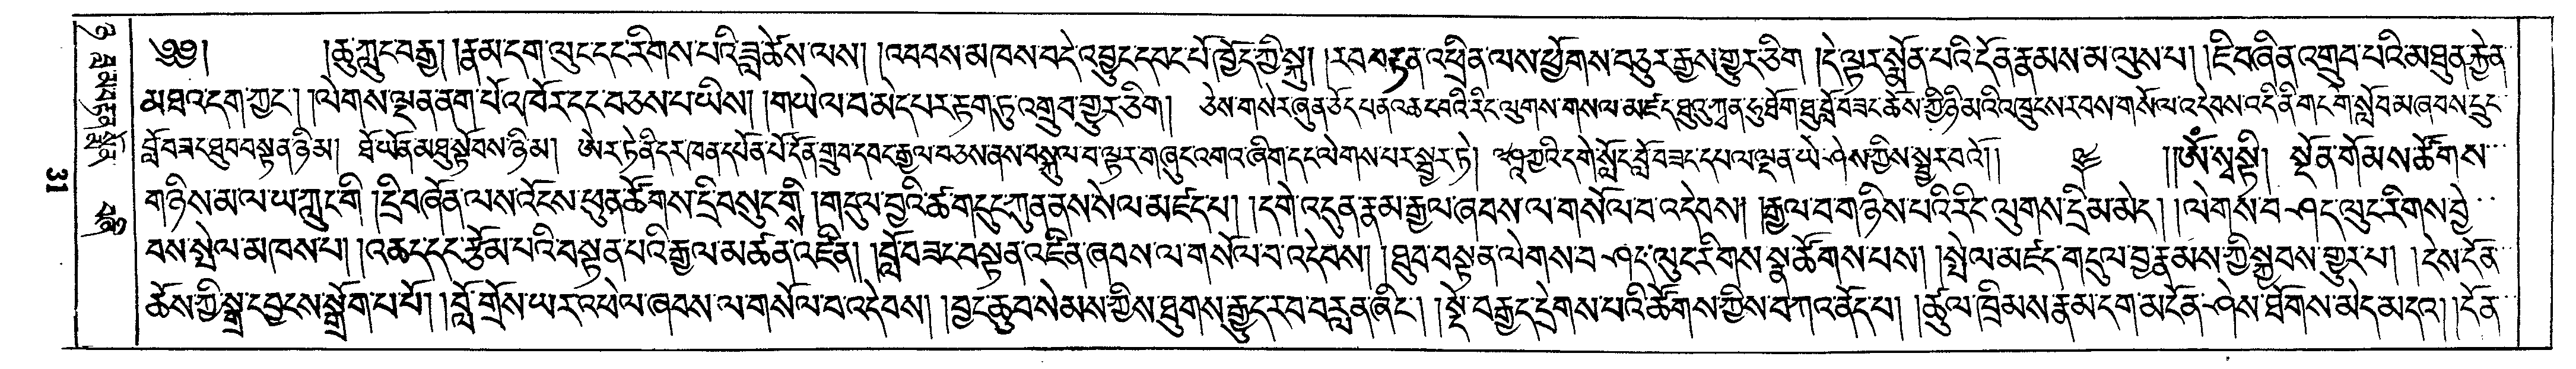༄༅། །ཆུ་ཀླུང་བརྒྱ། །རྣམ་དག་ལུང་དང་རིགས་པའི་ཟླ་ཚེས་ལས། །འབེབས་མཁས་བདེ་འབྱུང་དབང་པོ་ཁྱོད་ཀྱི་སྐུ། །རབ་བརྟན་འཕྲིན་ལས་ཕྱོགས་བཅུར་རྒྱས་གྱུར་ཅིག །དེ་ལྟར་སྨོན་པའི་དོན་རྣམས་མ་ལུས་པ། །ཇི་བཞིན་འགྲུབ་པའི་མཐུན་རྐྱེན་
མཐའ་དག་ཀྱང་། །ལེགས་ལྡན་ནག་པོ་འཁོར་དང་བཅས་པ་ཡིས། །གཡེལ་བ་མེད་པར་རྟག་ཏུ་འགྲུབ་གྱུར་ཅིག །ཅེས་གསེར་ཞུན་ཅོད་པན་འཆང་བའི་རིང་ལུགས་གསལ་མཛད་ཐུའུ་ཀྭན་ཧུ་ཐོག་ཐུ་བློ་བཟང་ཆོས་ཀྱི་ཉི་མའི་འཁྲུངས་རབས་གསོལ་འདེབས་འདི་ནི་གང་གི་སློབ་མ་ཞབས་དྲུང་
བློ་བཟང་ཐུབ་བསྟན་ཉི་མ། ཐོ་ཡོན་མཐུ་སྟོབས་ཉི་མ། ཨེར་ཏེ་ནི་དར་ཁན་དབོན་པོ་དོན་གྲུབ་དབང་རྒྱལ་བཅས་ནས་བསྐུལ་བ་ལྟར་གཞུང་འགའ་ཞིག་དང་ལེགས་པར་སྦྱར་ཏེ། ༧ཤཱཀྱའི་དགེ་སློང་བློ་བཟང་དཔལ་ལྡན་ཡེ་ཤེས་ཀྱིས་སྦྱར་བའོ།། ༈ །།ཨོཾ་སྭསྟི། སྔོན་གོམས་ཚོགས་
གཉིས་མ་ལ་ཡ་ཀླུང་གི །དྲི་བཞོན་ལས་འོངས་ཕུན་ཚོགས་དྲི་བསུང་གིས་།གདུལ་བྱའི་ཚ་གདུང་ཀུན་ནས་སེལ་མཛད་པ། །དགེ་འདུན་རྣམ་རྒྱལ་ཞབས་ལ་གསོལ་བ་འདེབས། །རྒྱལ་བ་གཉིས་པའི་རིང་ལུགས་དྲི་མ་མེད། །ལེགས་བཤད་ལུང་རིགས་བྱེ་
བས་སྤེལ་མཁས་པ། །འཆད་དང་རྩོམ་པའི་བསྟན་པའི་རྒྱལ་མཚན་འཛིན། །བློ་བཟང་བསྟན་འཛིན་ཞབས་ལ་གསོལ་བ་འདེབས། །ཐུབ་བསྟན་ལེགས་བཤད་ལུང་རིགས་སྣ་ཚོགས་པས། །སྤེལ་མཛད་གདུལ་བྱ་རྣམས་ཀྱི་སྐྱབས་གྱུར་པ། །ངེས་དོན་
ཆོས་ཀྱི་སྒྲ་དབྱངས་སྒྲོག་པ་པོ། །བློ་གྲོས་ཡར་འཕེལ་ཞབས་ལ་གསོལ་བ་འདེབས། །བྱང་ཆུབ་སེམས་ཀྱིས་ཐུགས་རྒྱུད་རབ་བརླན་ཞིང་། །སྡེ་བརྒྱད་དྲེགས་པའི་ཚོགས་ཀྱིས་བཀའ་ནོད་པ། །ཚུལ་ཁྲིམས་རྣམ་དག་མངོན་ཤེས་ཐོགས་མེད་མངའ། །དོན་